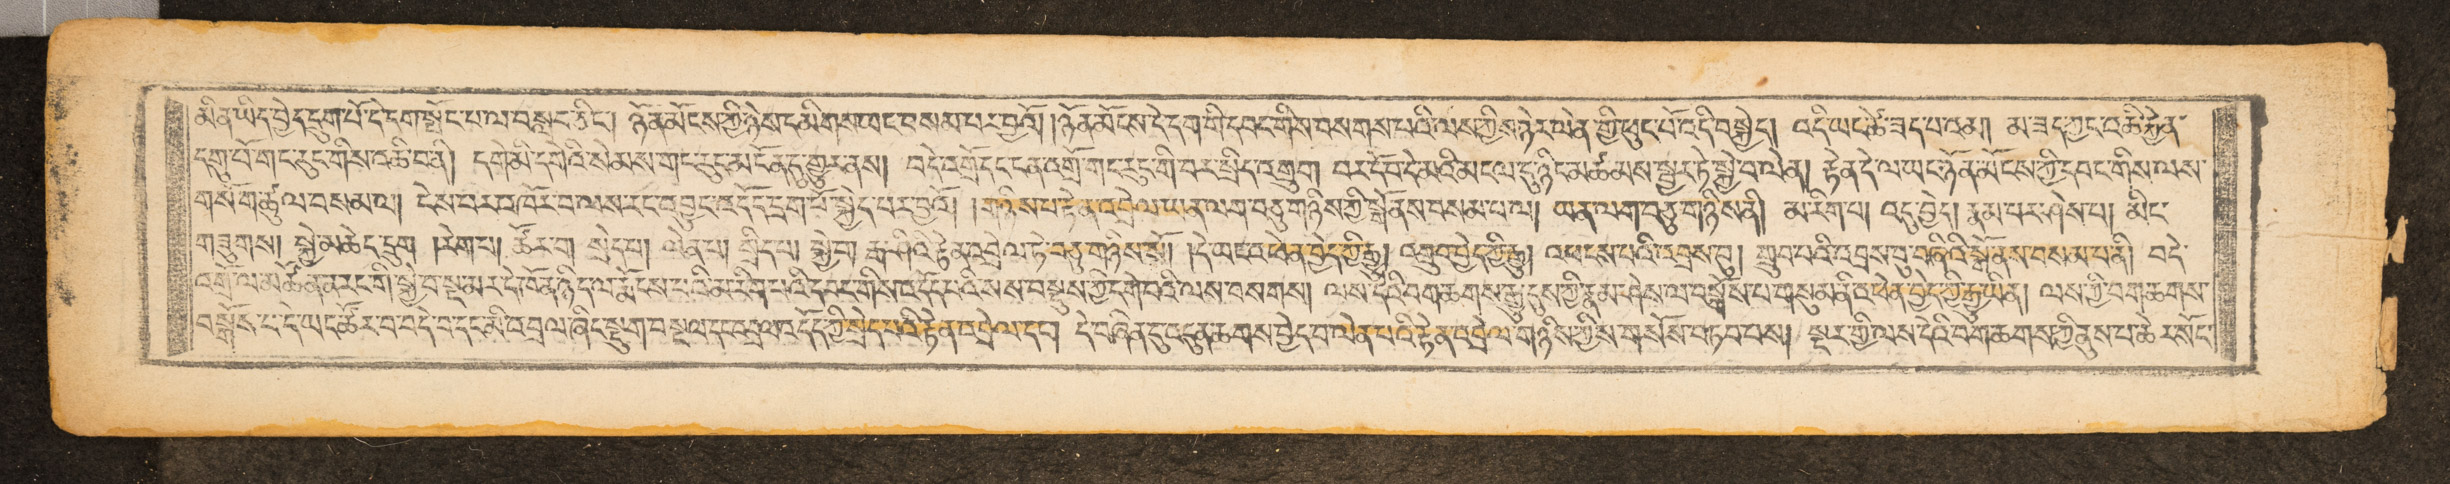མིན་ཡིད་བྱེད་དྲུག་པོ་དེ་དག་སྤོང་པ་ལ་བསླང་ཅིང་། ཉོན་མོངས་ཀྱི་ཉེས་དམིགས་ཡང་བསམ་པར་བྱའོ། །ཉོན་མོངས་དེ་དག་གི་དབང་གིས་བསགས་པའི་ལས་ཀྱིས་ཉེར་ལེན་གྱི་ཕུང་པོ་འདི་བསྐྱེད། འདི་ཡང་ཚེ་ཟད་པ་འམ། མ་ཟད་ཀྱང་འཆི་རྐྱེན་
དགུ་པོ་གང་རུང་གིས་འཆི་བ་ནི། དགེ་མི་དགེའི་སེམས་གང་རུང་མངོན་དུ་གྱུར་ནས། བདེ་འགྲོ་དང་ངན་འགྲོ་གང་རུང་གི་བར་སྲིད་འགྲུབ། བར་དོ་བ་དེ་མའི་མངལ་དུ་ཉིང་མཚམས་སྦྱར་ཏེ་སྐྱེ་བ་ལེན། རྟེན་དེ་ལ་ཡང་ཉོན་མོངས་ཀྱི་དབང་གིས་ལས་
གསོག་ཚུལ་བསམ་ལ། དེས་པར་འཁོར་བ་ལས་རང་འབྱུང་འདོད་དྲག་པོ་སྐྱེད་པར་བྱའོ། །གཉིས་པ་རྟེན་འབྲེལ་ཡན་ལག་བཅུ་གཉིས་ཀྱི་སྒོ་ནས་བསམ་པ་ལ། ཡན་ལག་བཅུ་གཉིས་ནི། མ་རིག་པ། འདུ་བྱེད། རྣམ་པར་ཤེས་པ། མིང་
གཟུགས། སྐྱེ་མཆེད་དྲུག །རེག་པ། ཚོར་བ། སྲེད་པ། ལེན་པ། སྲིད་པ། སྐྱེ་བ། རྒ་ཤིའི་རྟེན་འབྲེལ་ཏེ་བཅུ་གཉིས་སོ། །དེ་ཡང་འཕེན་བྱེད་ཀྱི་རྒྱུ། འགྲུབ་བྱེད་ཀྱི་རྒྱུ། འཕངས་པའི་འབྲས་བུ། གྲུབ་པའི་འབྲས་བུ་བཞིའི་སྒོ་ནས་བསམ་པ་ནི། བདེ་
འགྲོ་ལ་མཚོན་ན་རང་གི་སྐྱེ་བ་སྔ་མར་དེ་ཁོ་ན་ཉིད་ལ་རྨོངས་པའི་མ་རིག་པའི་དབང་གིས་འདོད་པའི་སས་བསྡུས་ཀྱི་དགེ་བའི་ལས་བསགས། ལས་དེའི་བག་ཆགས་རྒྱུ་དུས་ཀྱི་རྣམ་ཤེས་ལ་བསྒོས་པ་གསུམ་ནི་འཕེན་བྱེད་ཀྱི་རྒྱུ་ཡིན། ལས་ཀྱི་བག་ཆགས་
བསྒོས་པ་དེ་ཡང་ཚོར་བ་བདེ་བ་དང་མི་འབྲལ་ཞིང་སྡུག་བསྔལ་དང་འབྲལ་འདོད་ཀྱི་སྲེད་པའི་རྟེན་འབྲེལ་དང་། དེ་བཞིན་དུ་འདུན་ཆགས་བྱེད་བ་ལེན་པའི་རྟེན་འབྲེལ་གཉིས་ཀྱིས་གསོས་བཏབ་པས། སྔར་གྱི་ལས་དེའི་བག་ཆགས་ཀྱི་ནུས་པ་ཆེར་སོང་